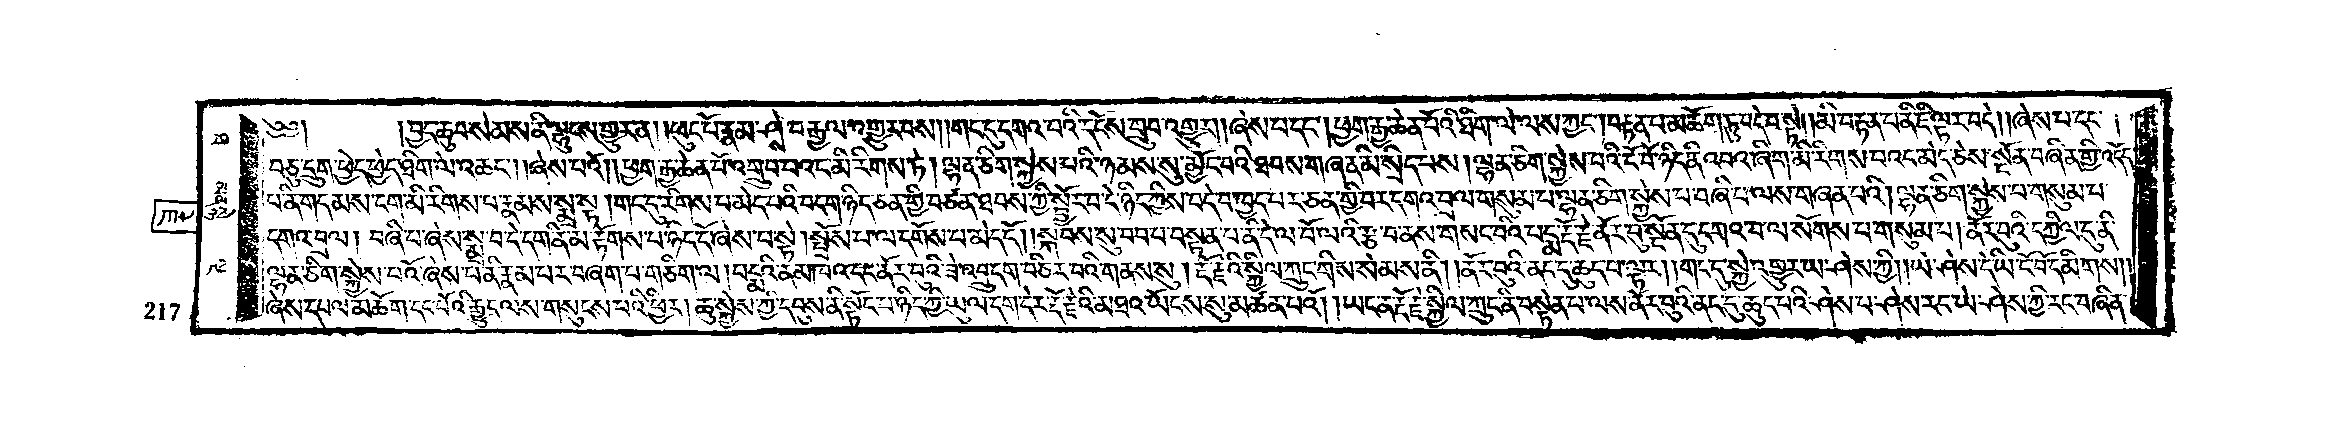༄༅།།བྱང་ཆུབ་སེམས་ནི་ལྷུངས་གྱུར་ན། །ཕུང་པོ་རྣམ་ཤེས་བརྒྱལ་འགྱུར་བས། །གང་དུ་དགའ་བའི་དངོས་གྲུབ་འགྱུར། །ཞེས་པ་དང་། ཕྱག་རྒྱ་ཆེན་པོའི་ཐིག་ལེ་ལས་ཀྱང་། བརྟན་པ་མཆོག་ཏུ་བདེ་བ་སྟེ། །མི་བརྟན་པ་ནི་ཇི་ལྟར་བདེ། །ཞེས་པ་དང་།
བཅུ་དྲུག་ཕྱེད་ཕྱེད་ཐིག་ལེ་འཆང་། །ཞེས་པའོ། །ཕྱག་རྒྱ་ཆེན་པོ་འགྲུབ་པའང་མི་རིགས་ཏེ། ལྷན་ཅིག་སྐྱེས་པའི་ཉམས་སུ་མྱོང་བའི་ཐབས་གཞན་མི་སྲིད་པས། ལྷན་ཅིག་སྐྱེས་པའི་ངོ་བོ་ཉིད་ནི་འབའ་ཞིག་མི་རིགས་པའང་མེད་ཅེས་སྔོན་བཞིན་གྱི་འདོད་
པ་ནི་གདམས་ངག་མི་རིགས་པ་རྣམས་སྨྲ་སྟེ། གང་དུ་རིགས་པ་མེད་པའི་བདག་ཉིད་ཅན་གྱི་བཙན་ཐབས་ཀྱི་སྦྱོར་བ་དེ་ཉིད་ཀྱིས་བདེ་བ་ཁྱད་པར་ཅན་གྱི་བར་དགའ་བྲལ་གསུམ་པ་ལྷན་ཅིག་སྐྱེས་པ་བཞི་པ་ལས་གཞན་པའི་ལྷན་ཅིག་སྐྱེས་པ་གསུམ་པ་
དགའ་བྲལ། བཞི་པ་ཞེས་སྨྲ་བ་དེ་དག་ནི་མ་རྟོགས་པ་ཉིད་དོ་ཞེས་པ་སྟེ། སྤྲོས་པ་ལ་དགོས་པ་མེད་དོ། །སྐབས་སུ་བབ་པ་བསྟན་པ་ནི་དེ་ལ་བོ་ལའི་རྩ་བ་ནས་གསང་བའི་པདམ་རྡོ་རྗེ་ནོར་བུ་སྔོན་དུ་དགའ་བ་ལ་སོགས་པ་གསུམ་པ། ནོར་བུའི་དཀྱིལ་དུ་ནི་
ལྷན་ཅིག་སྐྱེས་པའོ་ཞེས་པ་ནི་རྣམ་པར་བཞག་པ་གཅིག་ལ། པདམའི་ནམ་མཁའ་དང་ནོར་བུའི་ཟེ་འབྲུ་དག་བཅིར་བའི་གནས་སུ། རྡོ་རྗེའི་སྐྱིལ་ཀྲུང་གིས་སེམས་ནི། །ནོར་བུའི་ནང་དུ་ཆུད་པ་ལྟར། །གང་དུ་སྐྱེ་འགྱུར་ཡེ་ཤེས་ཀྱི། །ཡེ་ཤེས་དེ་ཡི་ངོ་བོ་དམིགས། །
ཞེས་དཔལ་མཆོག་དང་པོའི་རྒྱུད་ལས་གསུངས་པའི་ཕྱིར། ཆུ་སྐྱེས་ཀྱི་དབུས་ནི་སྟོང་པ་ཉིད་ཀྱི་ཡུལ་དག་དེར་རྡོ་རྗེའི་མཐའ་ཡོངས་སུ་མཚན་པའོ། །ཡང་ན་རྡོ་རྗེ་སྐྱིལ་ཀྲུང་ནི་བསྟེན་པ་ལས་ནོར་བུའི་ནང་དུ་ཆུད་པའི་ཤེས་པ་ཤེས་རབ་ཡེ་ཤེས་ཀྱི་རང་བཞིན་